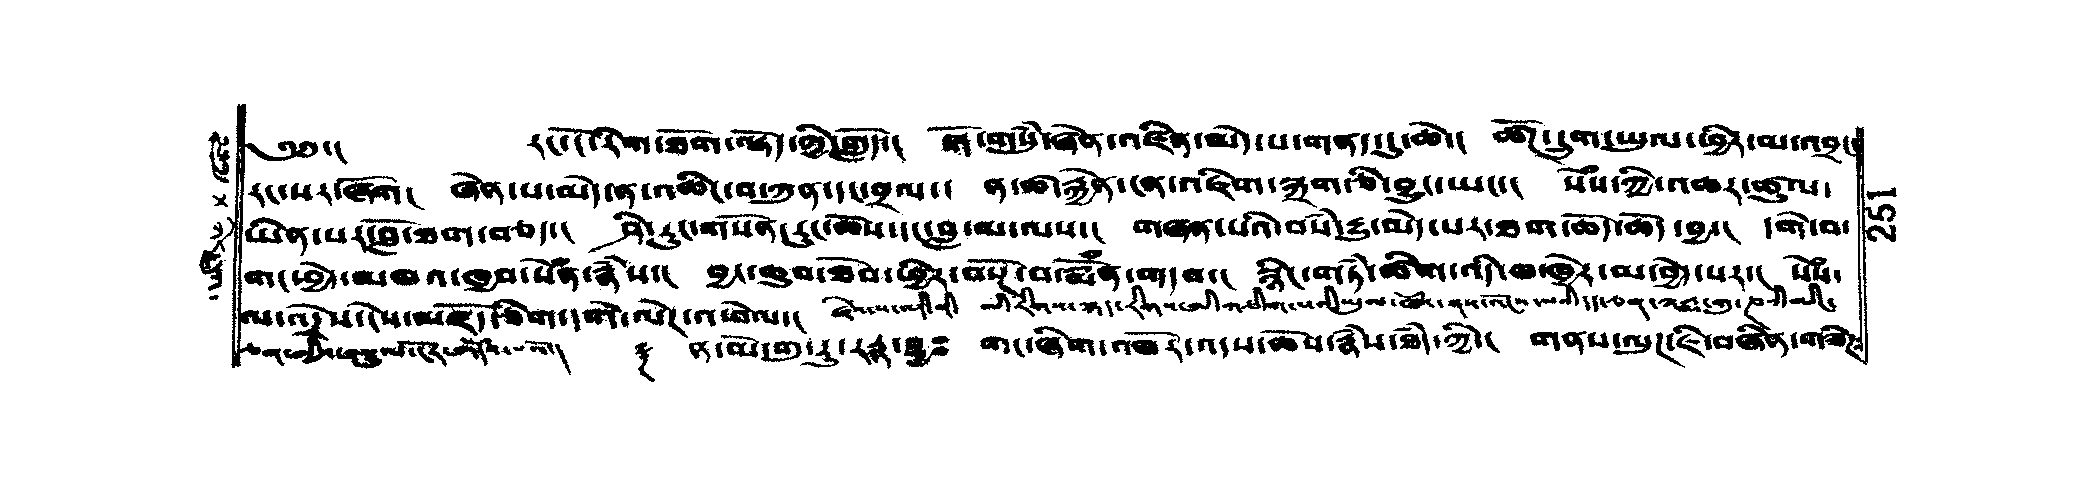རང་ངོ་རིག་ཐོག་ལྷོད་གྱི་གློད། །སྒོ་གསུམ་ཞེན་འཛིན་མེད་པ་གནད་དུ་ཆེ། །ཚོགས་དྲུག་ཡུལ་ཕྱིར་མ་འབྲང་
རང་སར་ཞོག །ཞེན་པ་མེད་ན་འཆིང་བ་ཀུན་དང་བྲལ། །ན་ཚ་རྐྱེན་ངན་འཇིག་སྐྲག་ཅི་བྱུང་ཡང་། །སེམས་ཀྱི་འཆར་ཚུལ་
ཡིན་པར་བློ་ཐག་བཅད། །ཤི་རུང་གསོན་རུང་ཆོས་དང་བླ་མ་ལས། །གཞན་པའི་བསམ་རྒྱུ་མེད་པར་ཐག་ཆོད་བྱ། །དགེ་བ་
གང་བྱེད་མཁའ་ཁྱབ་སེམས་ཅན་རྣམས། །བྱང་ཆུབ་ཐོབ་ཕྱིར་བསྔོ་བ་སྨོན་ལམ་གདབ། །སྙིང་གཏམ་ཚིག་འདི་ཁ་ཁྱེར་མ་བྱེད་པར། །སེམས་
ལ་འདྲེས་ངེས་མཛོད་ཅིག་དགེ་ལེགས་འཕེལ།། ཞེས་པ་འདི་ནི་མི་རིགས་སྐད་རིགས་མི་གཅིག་པའི་ཡུལ་ཁམས་ནས་འོངས་པའི་དད་ཅན་ཀརྨ་གུ་ཎའི་མིང་
ཅན་གྱིས་བསྐུལ་ངོར་གདམས་པའོ།། ༈ ན་མོ་གུ་རུ་རཏྣ་བྷྱཿ གང་ཞིག་འཁོར་འདས་ཆོས་རྣམས་ཐམས་ཅད་ཀྱི། །གནས་ལུགས་ཇི་བཞིན་གཟིགས་